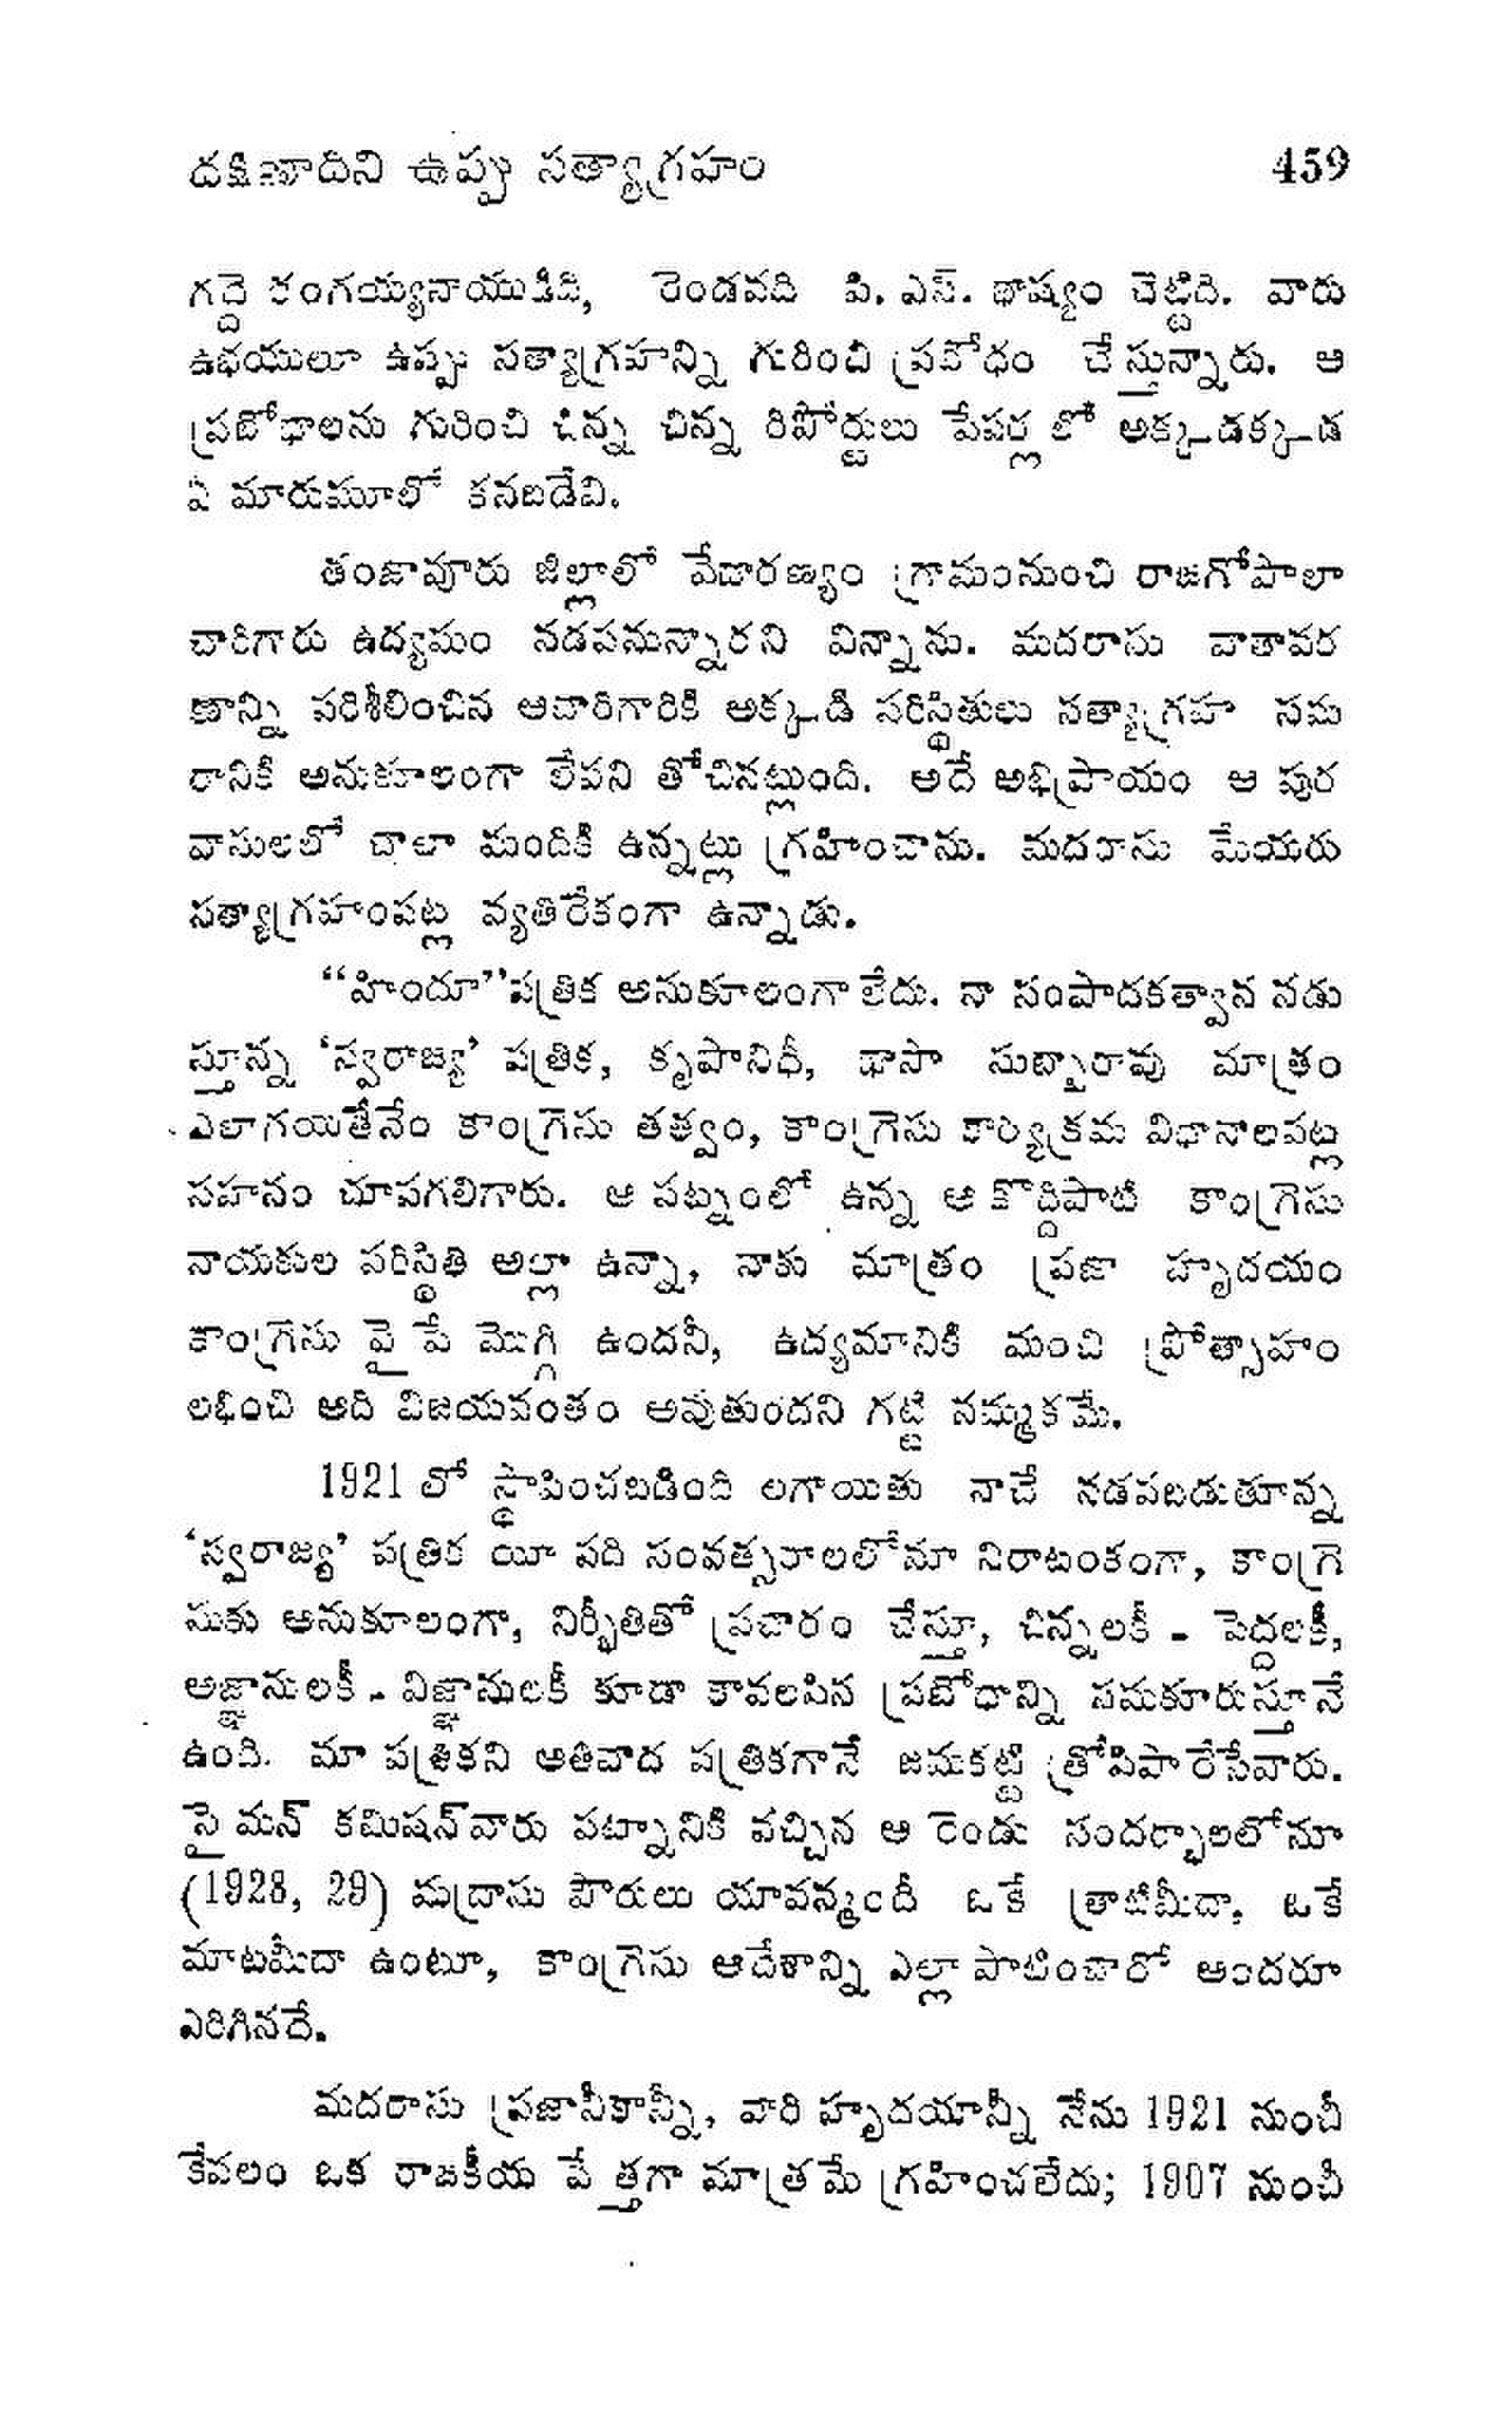గద్దె రంగయ్యనాయుడిది, రెండవది పి. ఎస్. భాష్యం చెట్టిది. వారు ఉభయులూ ఉప్పు సత్యాగ్రహాన్ని గురించి ప్రబోధం చేస్తున్నారు. ఆ ప్రబోధాలను గురించి చిన్న చిన్న రిపోర్టులు పేపర్లలో అక్కడక్కడ ఏ మారుమూలో కనబడేవి.

తంజావూరు జిల్లాలో వేదారణ్యం గ్రామనుంచి రాజగోపాలాచారిగారు ఉద్యమం నడపనున్నారని విన్నాను. మదరాసు వాతావరణాన్ని పరిశీలించిన ఆచారిగారికి అక్కడి పరిస్థితులు సత్యాగ్రహ సమరానికి అనుకూలంగా లేవని తోచినట్లుంది. అదే అభిప్రాయం ఆ పురవాసులలో చాలా మందికి ఉన్నట్లు గ్రహించాను. మదరాసు మేయరు సత్యాగ్రహంపట్ల వ్యతిరేకంగా ఉన్నాడు.

"హిందూ"పత్రిక అనుకూలంగా లేదు. నా సంపాదకత్వాన నడుస్తూన్న 'స్వరాజ్య' పత్రిక, కృపానిధీ, ఖాసా సుబ్బారావు మాత్రం ఎలాగయితేనేం కాంగ్రెసు తత్వం, కాంగ్రెసు కార్యక్రమ విధానాలపట్ల సహనం చూపగలిగారు. ఆ పట్నంలో ఉన్న ఆ కొద్దిపాటి కాంగ్రెసు నాయకుల పరిస్థితి అల్లా ఉన్నా, నాకు మాత్రం ప్రజా హృదయం కాంగ్రెసు వైపే మొగ్గి ఉందనీ, ఉద్యమానికి మంచి ప్రోత్సాహం లభించి అది విజయవంతం అవుతుందని గట్టి నమ్మకమే.

1921 లో స్థాపించబడింది లగాయితు నాచే నడపబడుతూన్న 'స్వరాజ్య' పత్రిక యీ పది సంవత్సరాలలోనూ నిరాటంకంగా, కాంగ్రెసుకు అనుకూలంగా, నిర్భీతితో ప్రచారం చేస్తూ, చిన్నలకీ - పెద్దలకీ, అజ్ఞానులకీ - విజ్ఞానులకీ కూడా కావలసిన ప్రబోధాన్ని సమకూరుస్తూనే ఉంది. మా పత్రికని అతివాద పత్రికగానే జమకట్టి త్రోసిపారేసేవారు. సైమన్ కమిషన్‌వారు పట్నానికి వచ్చిన ఆ రెండు సందర్భాలలోనూ (1928, 29) మద్రాసు పౌరులు యావన్మందీ ఒకే త్రాటిమీదా, ఒకే మాటమీదా ఉంటూ, కాంగ్రెసు ఆదేశాన్ని ఎల్లా పాటించారో అందరూ ఎరిగినదే.

మదరాసు ప్రజానీకాన్నీ, వారి హృదయాన్నీ నేను 1921 నుంచీ కేవలం ఒక రాజకీయ వేత్తగా మాత్రమే గ్రహించలేదు; 1907 నుంచీ